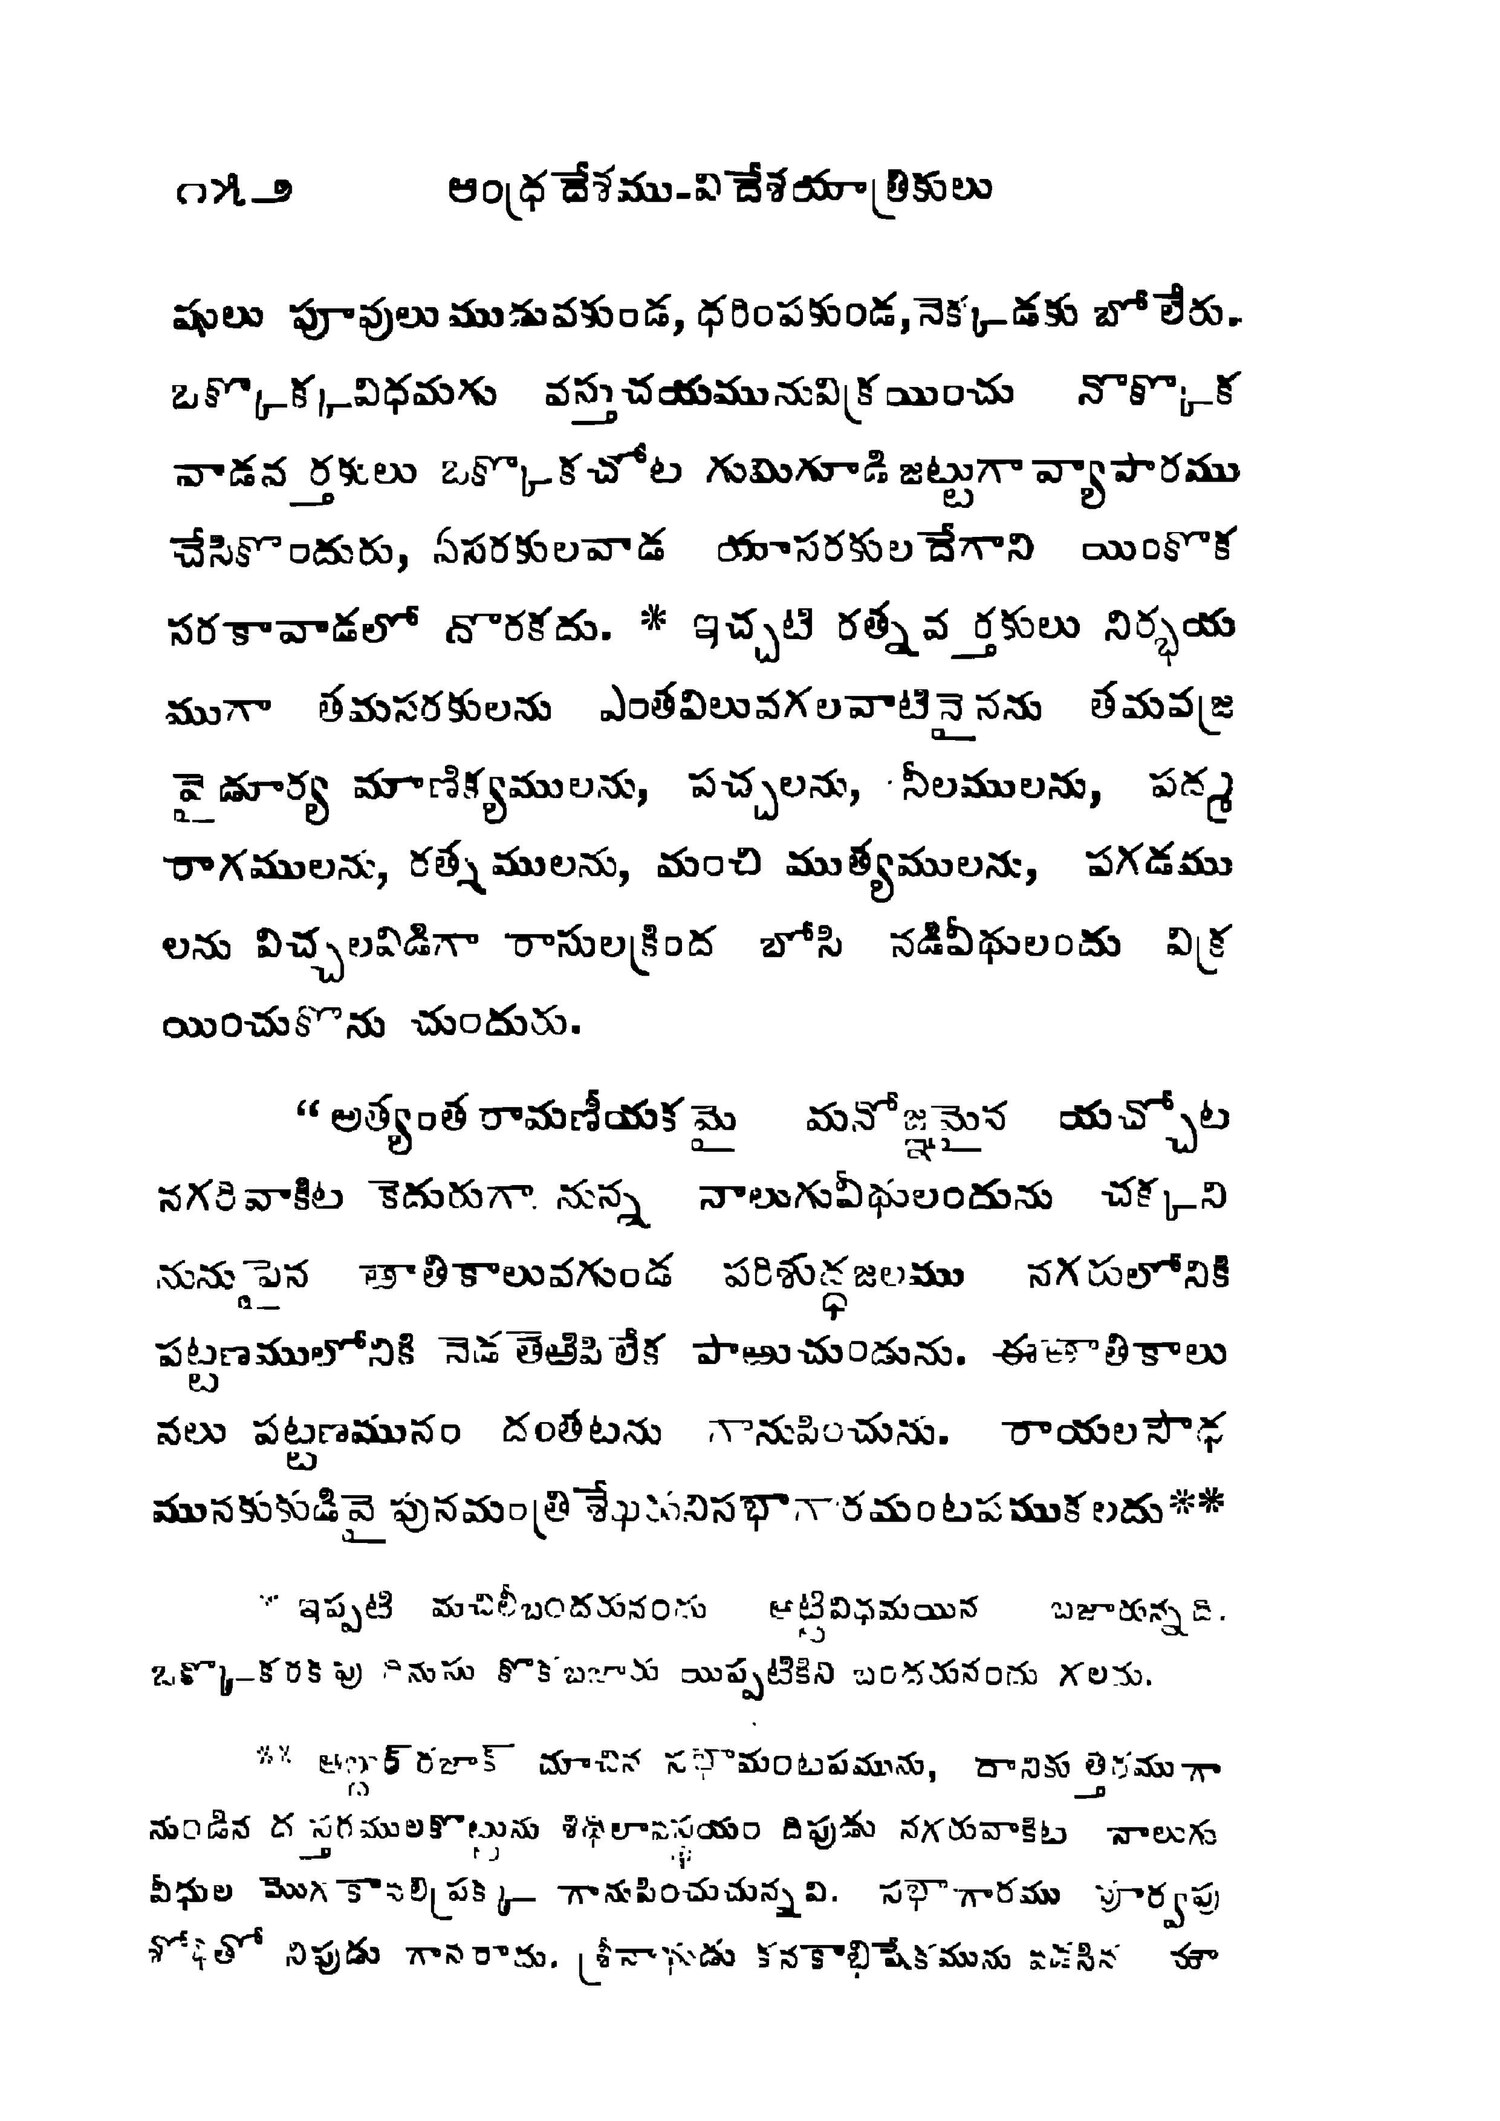షులు పూవులు ముడువకుండ, ధరింపకుండ, నెక్కడకు బోలేరు. ఒక్కొక్క విధమగు వస్తుచయమును విక్రయించు నొక్కొక వాడవర్తకులు ఒక్కొకచోట గుమిగూడి జుట్టుగావ్యాపారము చేసికొందురు, ఏసరకులవాడ యాసరకులదేగాని యింకొక సరకావాడలో దొరకదు. ఇచ్చటి రత్నవర్తకులు నిర్భయముగా తమసరకులను ఎంతవిలువగల వాటినైనను తమవజ్రవైడూర్య మాణిక్యములను, పచ్చలను, నీలములను, పద్మరాగములను, రత్నములను, మంచి ముత్యములను, పగడములను విచ్చలవిడిగా రాసులక్రింద బోసి నడివీథులందు విక్రయించుకొను చుందురు.

"అత్యంత రామణీయకమై మనోజ్ఞమైన యచ్చోట నగరివాకిట కెదురుగా నున్న నాలుగువీథులందును చక్కని నునుపైన ఱాతికాలువగుండ పరిశుద్ధజలము నగరులోనికి పట్టణము లోనికి నెడతెఱిపిలేక పాఱుచుండును. ఈఱాతికాలువలు పట్టణమునం దంతటను గానుపించును. రాయల సౌధమునకు కుడివైపున మంత్రి శేఖరుని సభాగారమంటపము కలదు